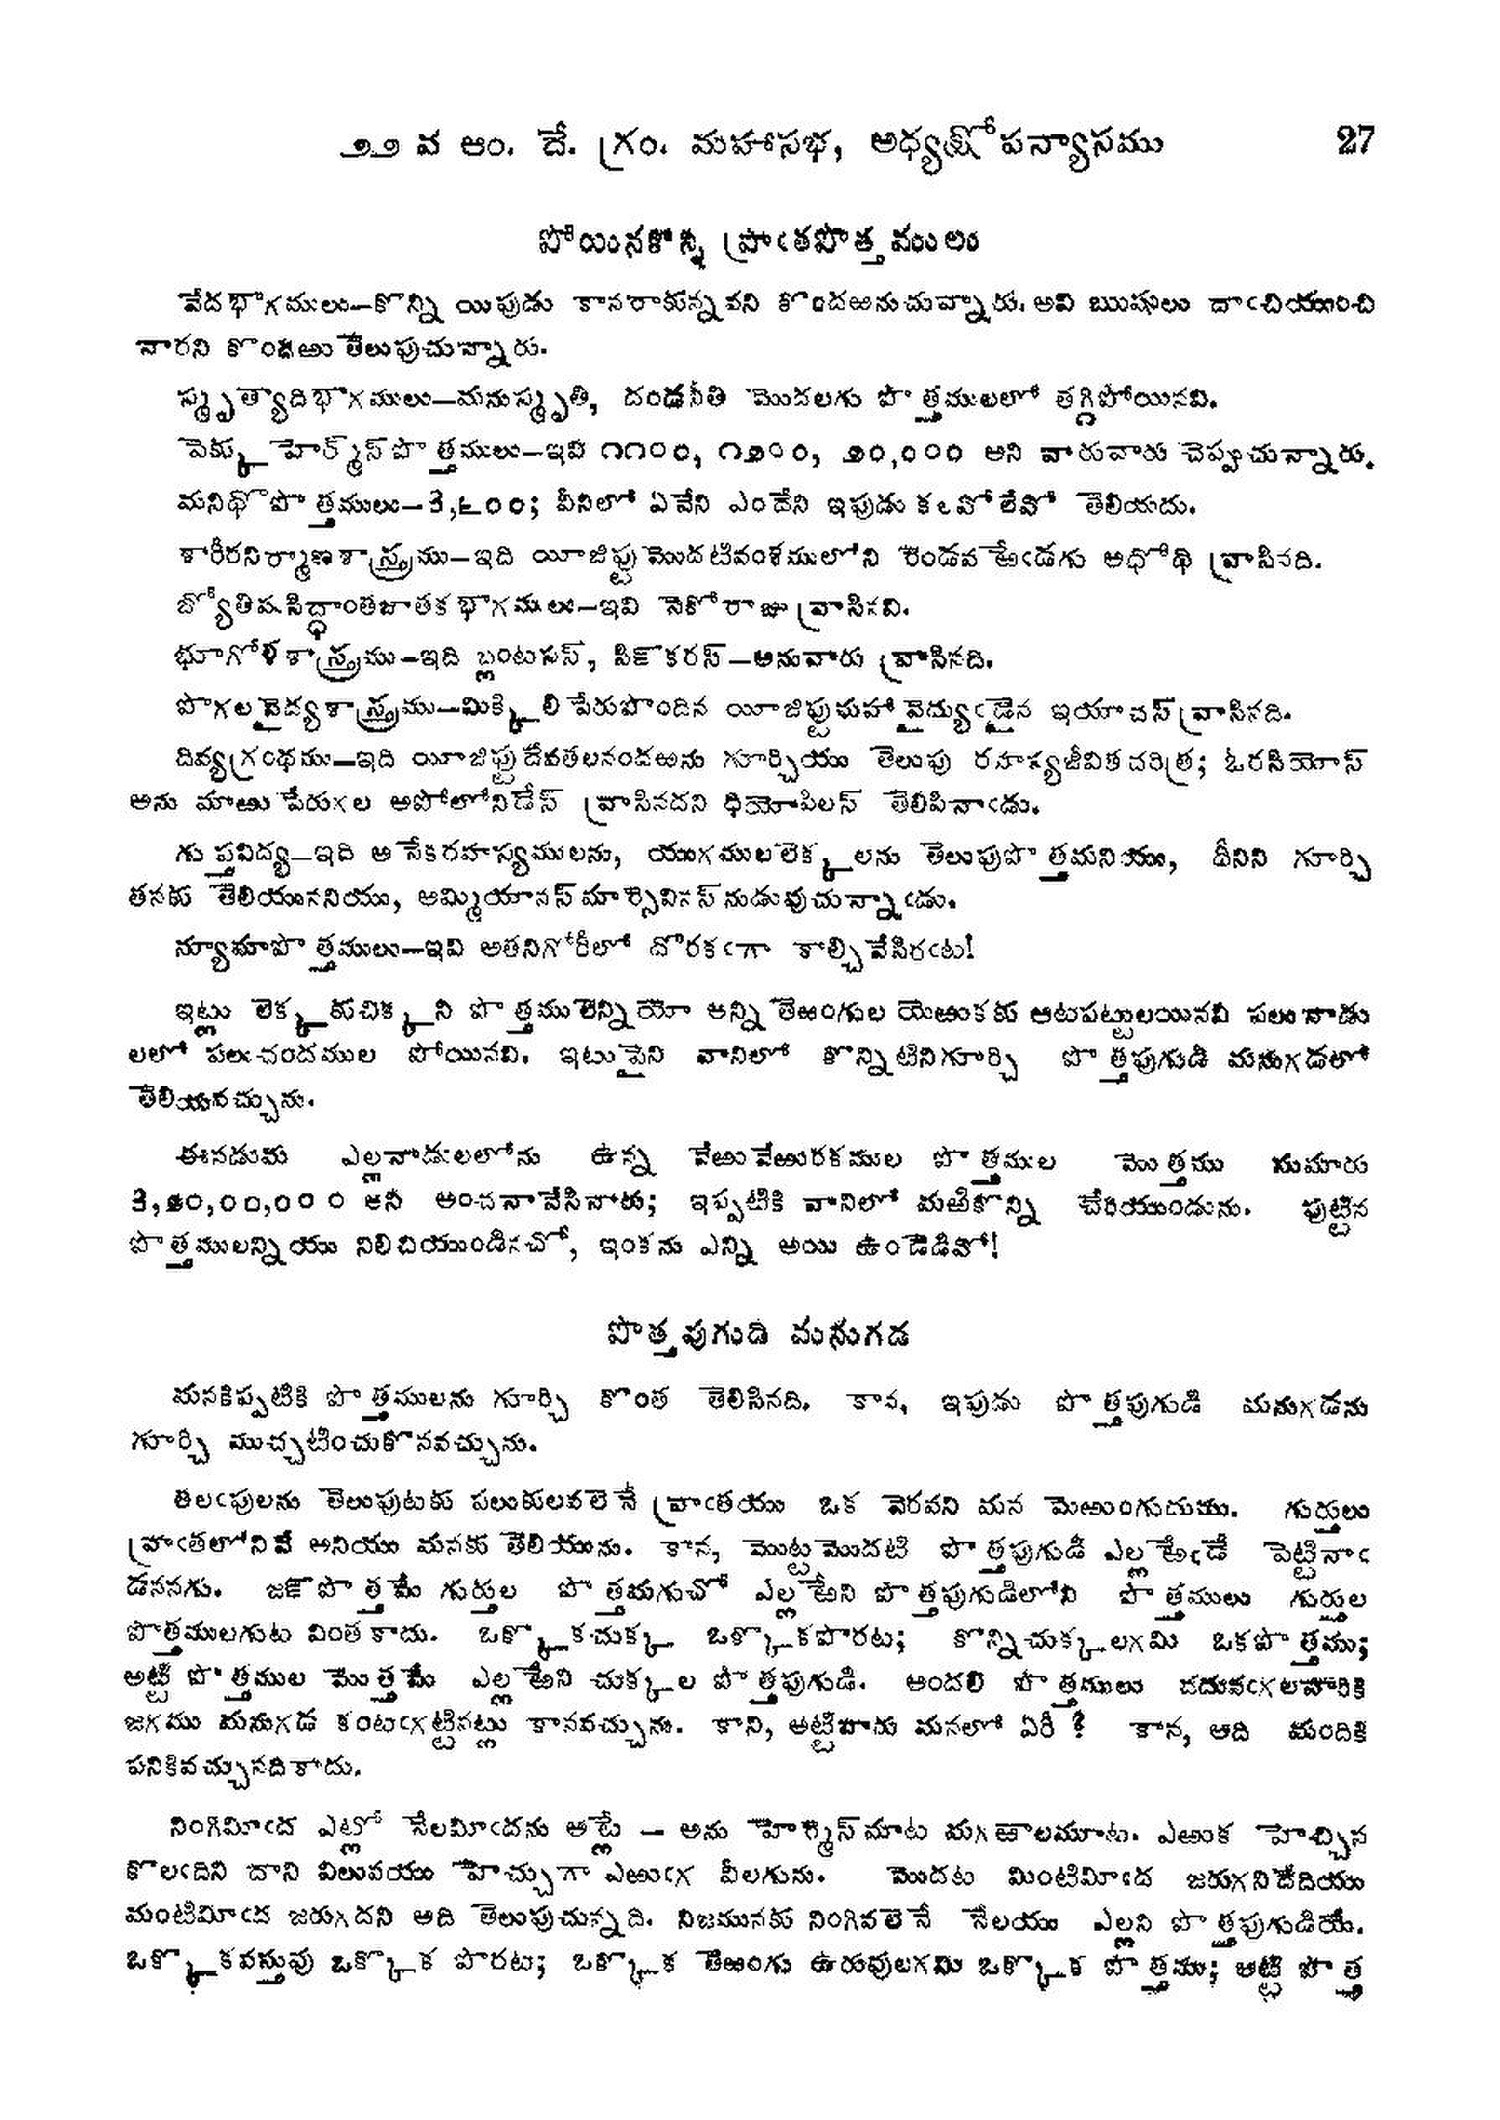వేదభాగములు-కొన్ని యిపుడు కానరాకున్నవని కొందఱనుచున్నారు. అవి ఋషులు దాఁచియుంచి నారని కొందఱు 
తెలుపుచున్నారు.
 స్మృత్యాది భాగములు — మనుస్మృతి, దండనీతి మొదలగు పొత్తములలో తగ్గిపోయినవి.
 పెక్కు హెర్మాస్ పొత్తములు - ఇవి ౧౧౦౦, ౧౨౦౦, ౨౦,౦౦౦ అని వారు వారు చెప్పుచున్నారు.
 మనిథొ పొత్తములు - ౩,౬౦౦౦; వీనిలో ఏవేని ఎందేని ఇపుడు కలవో లేవో తెలియదు.
 శారీరనిర్మాణ శాస్త్రము — ఇది యీజిప్టు మొదటివంశములోని రెండవ ఱేడగు అధోథి వ్రాసినది.
 జ్యోతిష సిద్ధాంతజాతక భాగములు-ఇవి నెకో రాజు వ్రాసినవి.
 భూగోళశాస్త్రము - ఇది బ్లటసన్, పి౯కరస్ - అనువారు వ్రాసినది.
 పొగల వైద్యశాస్త్రము — మిక్కిలి పేరుపొందిన యీజిప్టుభుహా వైద్యుఁడైన ఇయాచస్ వ్రాసినది.
 దివ్యగ్రంథము — ఇది యీజిప్టు దేవతలనందఱను గూర్చియు తెలుపు రహస్య జీవిత చరిత్ర; ఓరసియోస్ అను మాఱు పేరుగల అపోలోనిడేస్ వ్రాసినదని ధియోపిలస్ తెలిపినాఁడు.
 గుప్త విద్య - ఇది అసేకరహస్యములను, యుగముల లెక్కలను తెలుపుపొత్త మనియు, దీనిని గూర్చి తనకు తెలియుననియు, అమ్మియానస్ మార్సినినస్ నుడువుచున్నాఁడు.
 న్యూమాపొత్తములు - ఇవి అతనిగోరీలో దోరకఁగా కాల్చి వేసిరఁట!
ఇట్లు లెక్కకు చిక్కని పొత్తము లెన్నియో అన్ని తెఱంగుల యెఱుకకు ఆటపట్టులయినవి పలునాడులలో 
పలుచందములు పోయినవి. ఇటుపైని వానిలో కొన్నిటిని గూర్చి పొత్తపుగుడి మనుగడలో తెలియవచ్చును.

ఈ నడుమ ఎలవాడులలోను ఉన్న వేఱు వేఱు రకముల పొత్తముల మొత్తము ౩,౦౦,౦౦,౦౦౦ అనీ అంచనావేసినారు; 
ఇప్పటికి వానిలో మఱికొన్ని చేరియుండును. పుట్టిన పొత్తములన్నియు నిలిచియుండినచో, ఇంకను ఎన్ని అయి ఉండెడివో!

మనకిప్పటికి పొత్తములను గూర్చి కొంత తెలిసినది. కావ, ఇపుడు పొత్తపుగుడి మనుగడను గూర్చి 
ముచ్చటించుకోనవచ్చును.

తలఁపులను తెలుపుటకు పలుకులవలెనే వ్రాతయు ఒక వెరవని మన మెఱుంగుదుము. గుర్తులు ప్రాఁతలోనివే అనియు 
మనకు తెలియును. కాన, మొట్టమొదటి పొత్తపుగుడీ ఎల్లఱొఁడే పెట్టినాఁననగు. జ౯ పొత్తమే గుర్తుల పొత్తమగుచో 
ఎల్లఱెేఁడె పొత్తపుగుడిలోని పొత్తములు గుర్తుల పొత్తములగుట వింత కాదు. ఒక్కోకచుక్క ఒక్కొకపొరట; కొన్ని చుక్కలగమి
ఒకపొత్తము; అట్టి పొత్తముల మొత్తమే ఎల్లఱెని చుక్కల పొత్తపుగుడి. అందలి పొత్తములు చదువఁగల వారికి జగము 
మనుగడ కంటఁగట్టినట్లు కానవచ్చును. కాని, అట్టివారు మనలో ఏరీ? కాన, ఆది మందికి పనికివచ్చునది కాదు.

నింగిమీఁద ఎట్లో నేలమీఁదను అట్లే అను హెర్మిస్ మాట మరణాల మూట. ఎఱుక హెచ్చిన కొలఁదిని దాని విలువయు 
హెచ్చుగా ఎఱుఁగ వీలగును. మొదట మింటిమీఁద జరుగనిదేదియు మంటీమీఁద జరుగదని అది తెలుపుచున్నది. 
నిజమునకు నింగివలెనే నేలయు ఎల్లని పొత్తపుగుడియే. ఒకొక్క వస్తువు ఒక్కొక పొరట; ఒక్కొక తెఱంగు ఉరుపులగమి 
ఒక్కొక పొత్తము; అట్టి పొత్త